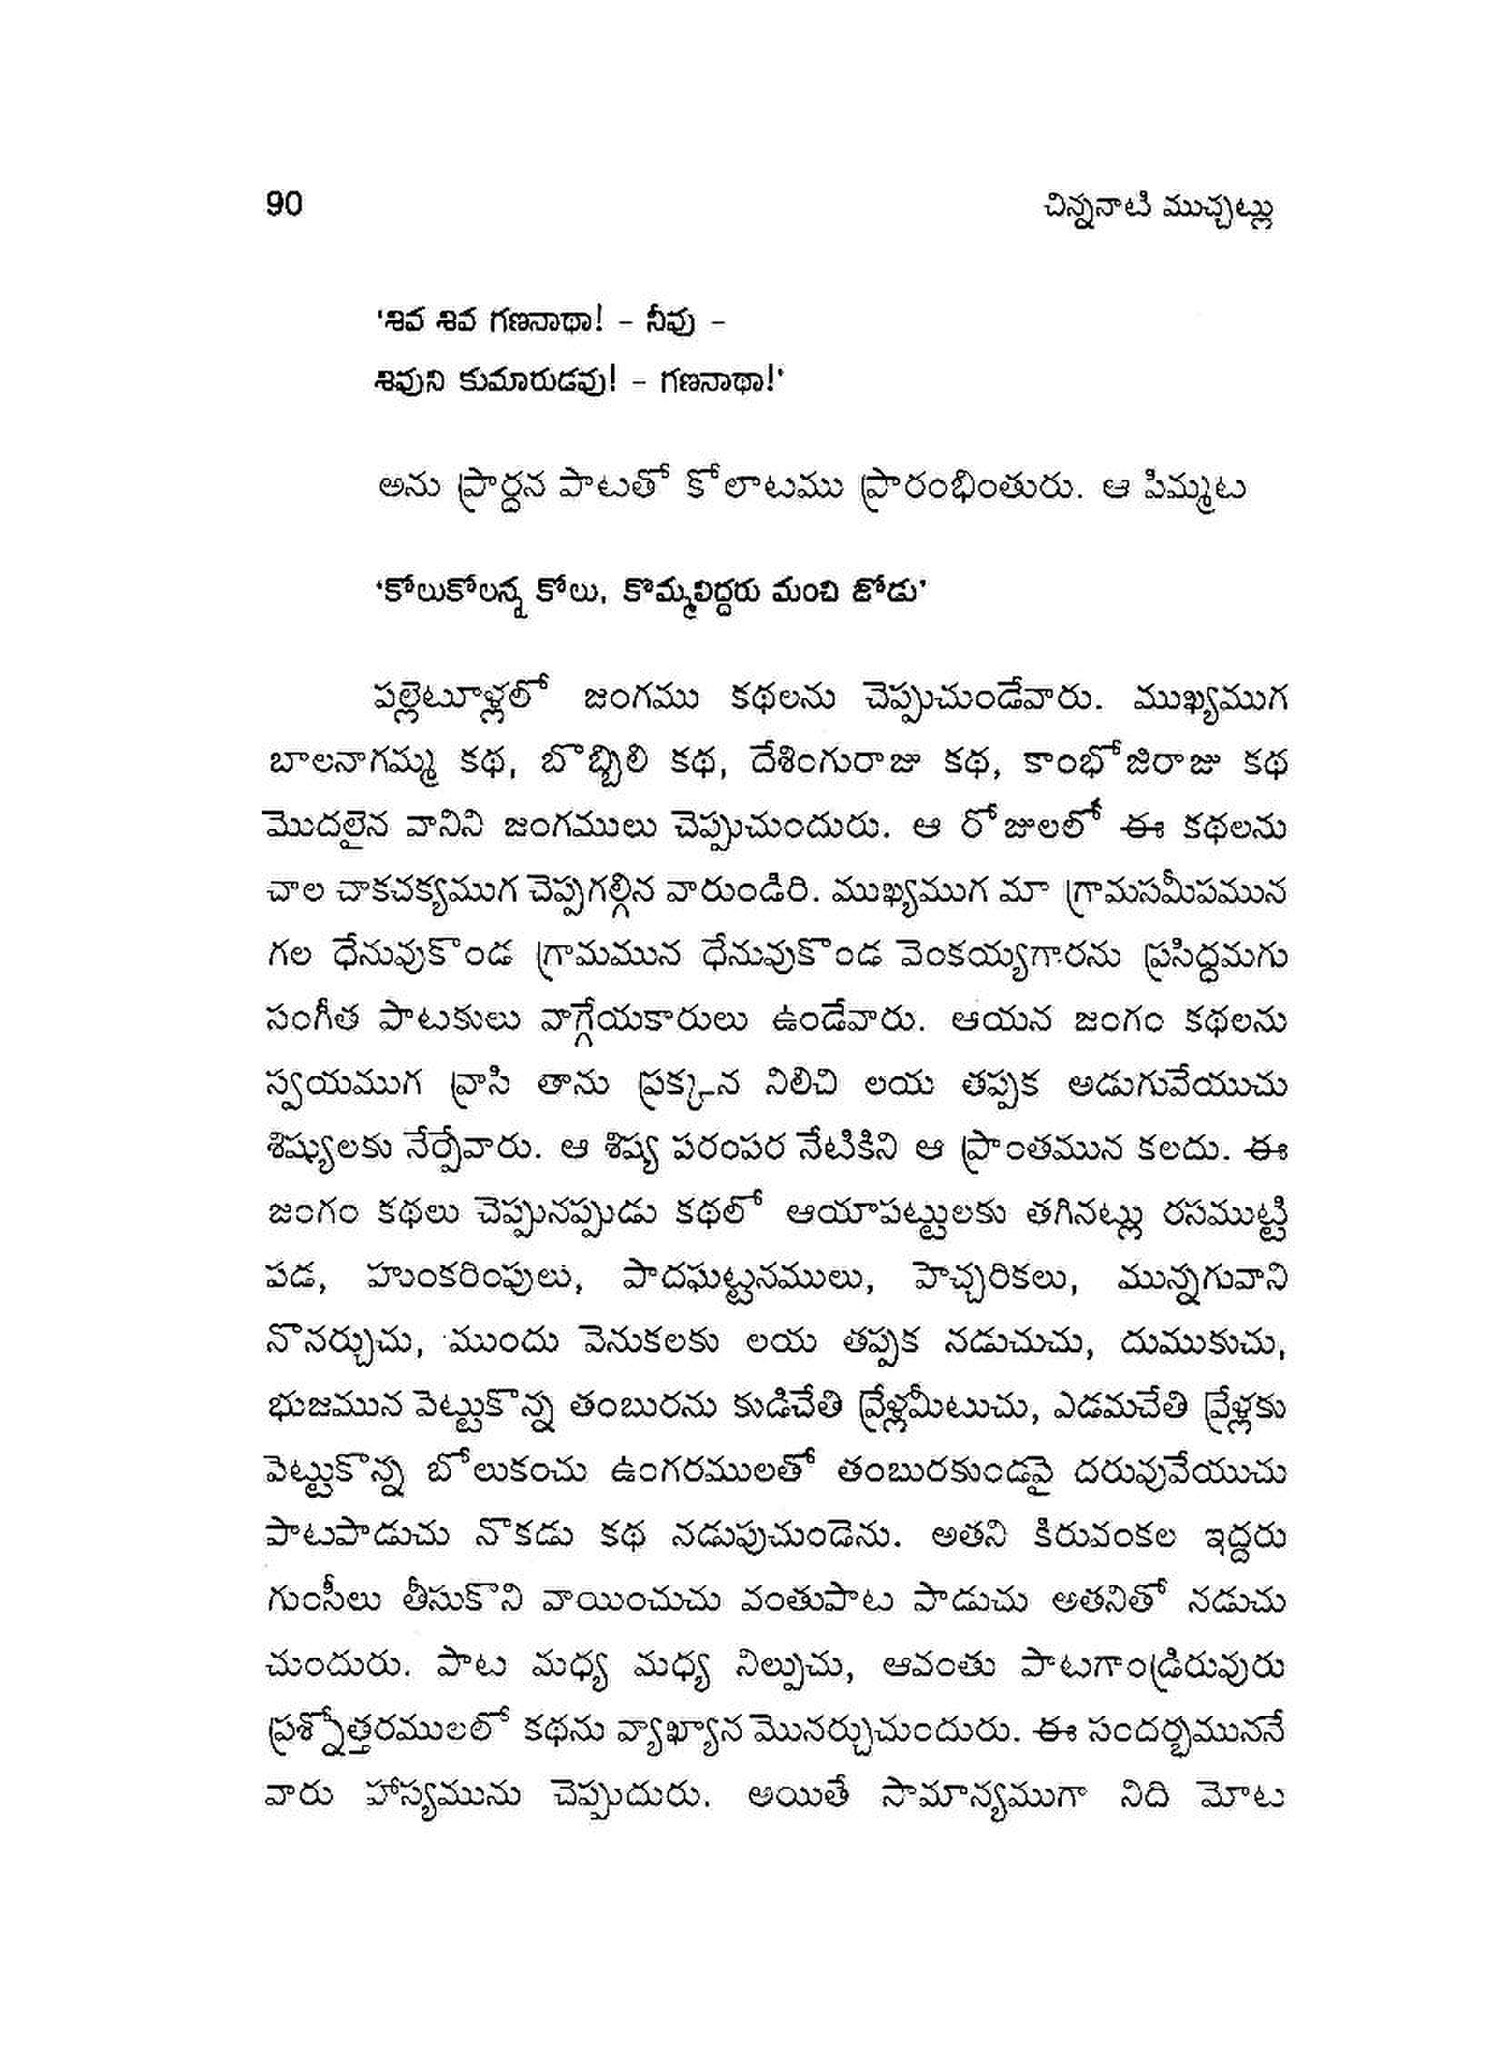శివ శివ గణనాధా! - నీవు -

శివుని కుమారుడవు! - గణ నాథా! 

అను ప్రార్ధన పాటతో కోలాటము ప్రారంభింతురు. ఆ పిమ్మట

'కోలుకోలన్న కోలు, కొమ్మలిద్దరు మంచి జోడు

పల్లెటూళ్లలో జంగము కథలను చెప్పుచుండేవారు. ముఖ్యముగ బాలనాగమ్మ కథ, బొబ్బిలి కథ, దేశింగురాజు కథ, కాంభోజిరాజు కథ మొదలైన వానిని జంగములు చెప్పుచుందురు. ఆ రోజులలో ఈ కథలను చాల చాకచక్యముగ చెప్పగల్గిన వారుండిరి. ముఖ్యముగ మా గ్రామసమీపమున గల ధేనువుకొండ గ్రామమున ధేనువకొండ వెంకయ్యగారను ప్రసిద్దమగు సంగీత పాటకులు వాగ్గేయకారులు ఉండేవారు. ఆయన జంగం కథలను స్వయముగ వ్రాసి తాను ప్రక్కన నిలిచి లయ తప్పక అడుగువేయుచు శిష్యులకు నేర్పేవారు. ఆ శిష్య పరంపర నేటికిని ఆ ప్రాంతమున కలదు. ఈ జంగం కథలు చెప్పునప్పుడు కథలో ఆయాపట్టులకు తగినట్టు రసముట్టి పడ, హుంకరింపులు, పాదఘట్టనములు, హెచ్చరికలు, మున్నగువాని నొనర్చుచు, ముందు వెనుకలకు లయ తప్పక నడుచుచు, దుముకుచు, భుజమున పెట్టుకొన్న తంబురను కుడిచేతి వ్రేళ్లమీటుచు, ఎడమచేతి వ్రేళ్లకు పెట్టుకొన్న బోలుకంచు ఉంగరములతో తంబురకుండపై దరువువేయుచు పాటపాడుచు నొకడు కథ నడుపుచుండెను. అతని కిరువంకల ఇద్దరు గుంసీలు తీసుకొని వాయించుచు వంతుపాట పాడుచు అతనితో నడుచు చుందురు. పాట మధ్య మధ్య నిల్పుచు, ఆవంతు పాటగాండ్రిరువురు ప్రశ్నోత్తరములలో కథను వ్యాఖ్యానమొనర్చుచుందురు. ఈ సందర్భముననే వారు హాస్యమును చెప్పుదురు. అయితే సామాన్యముగా నిది మోట